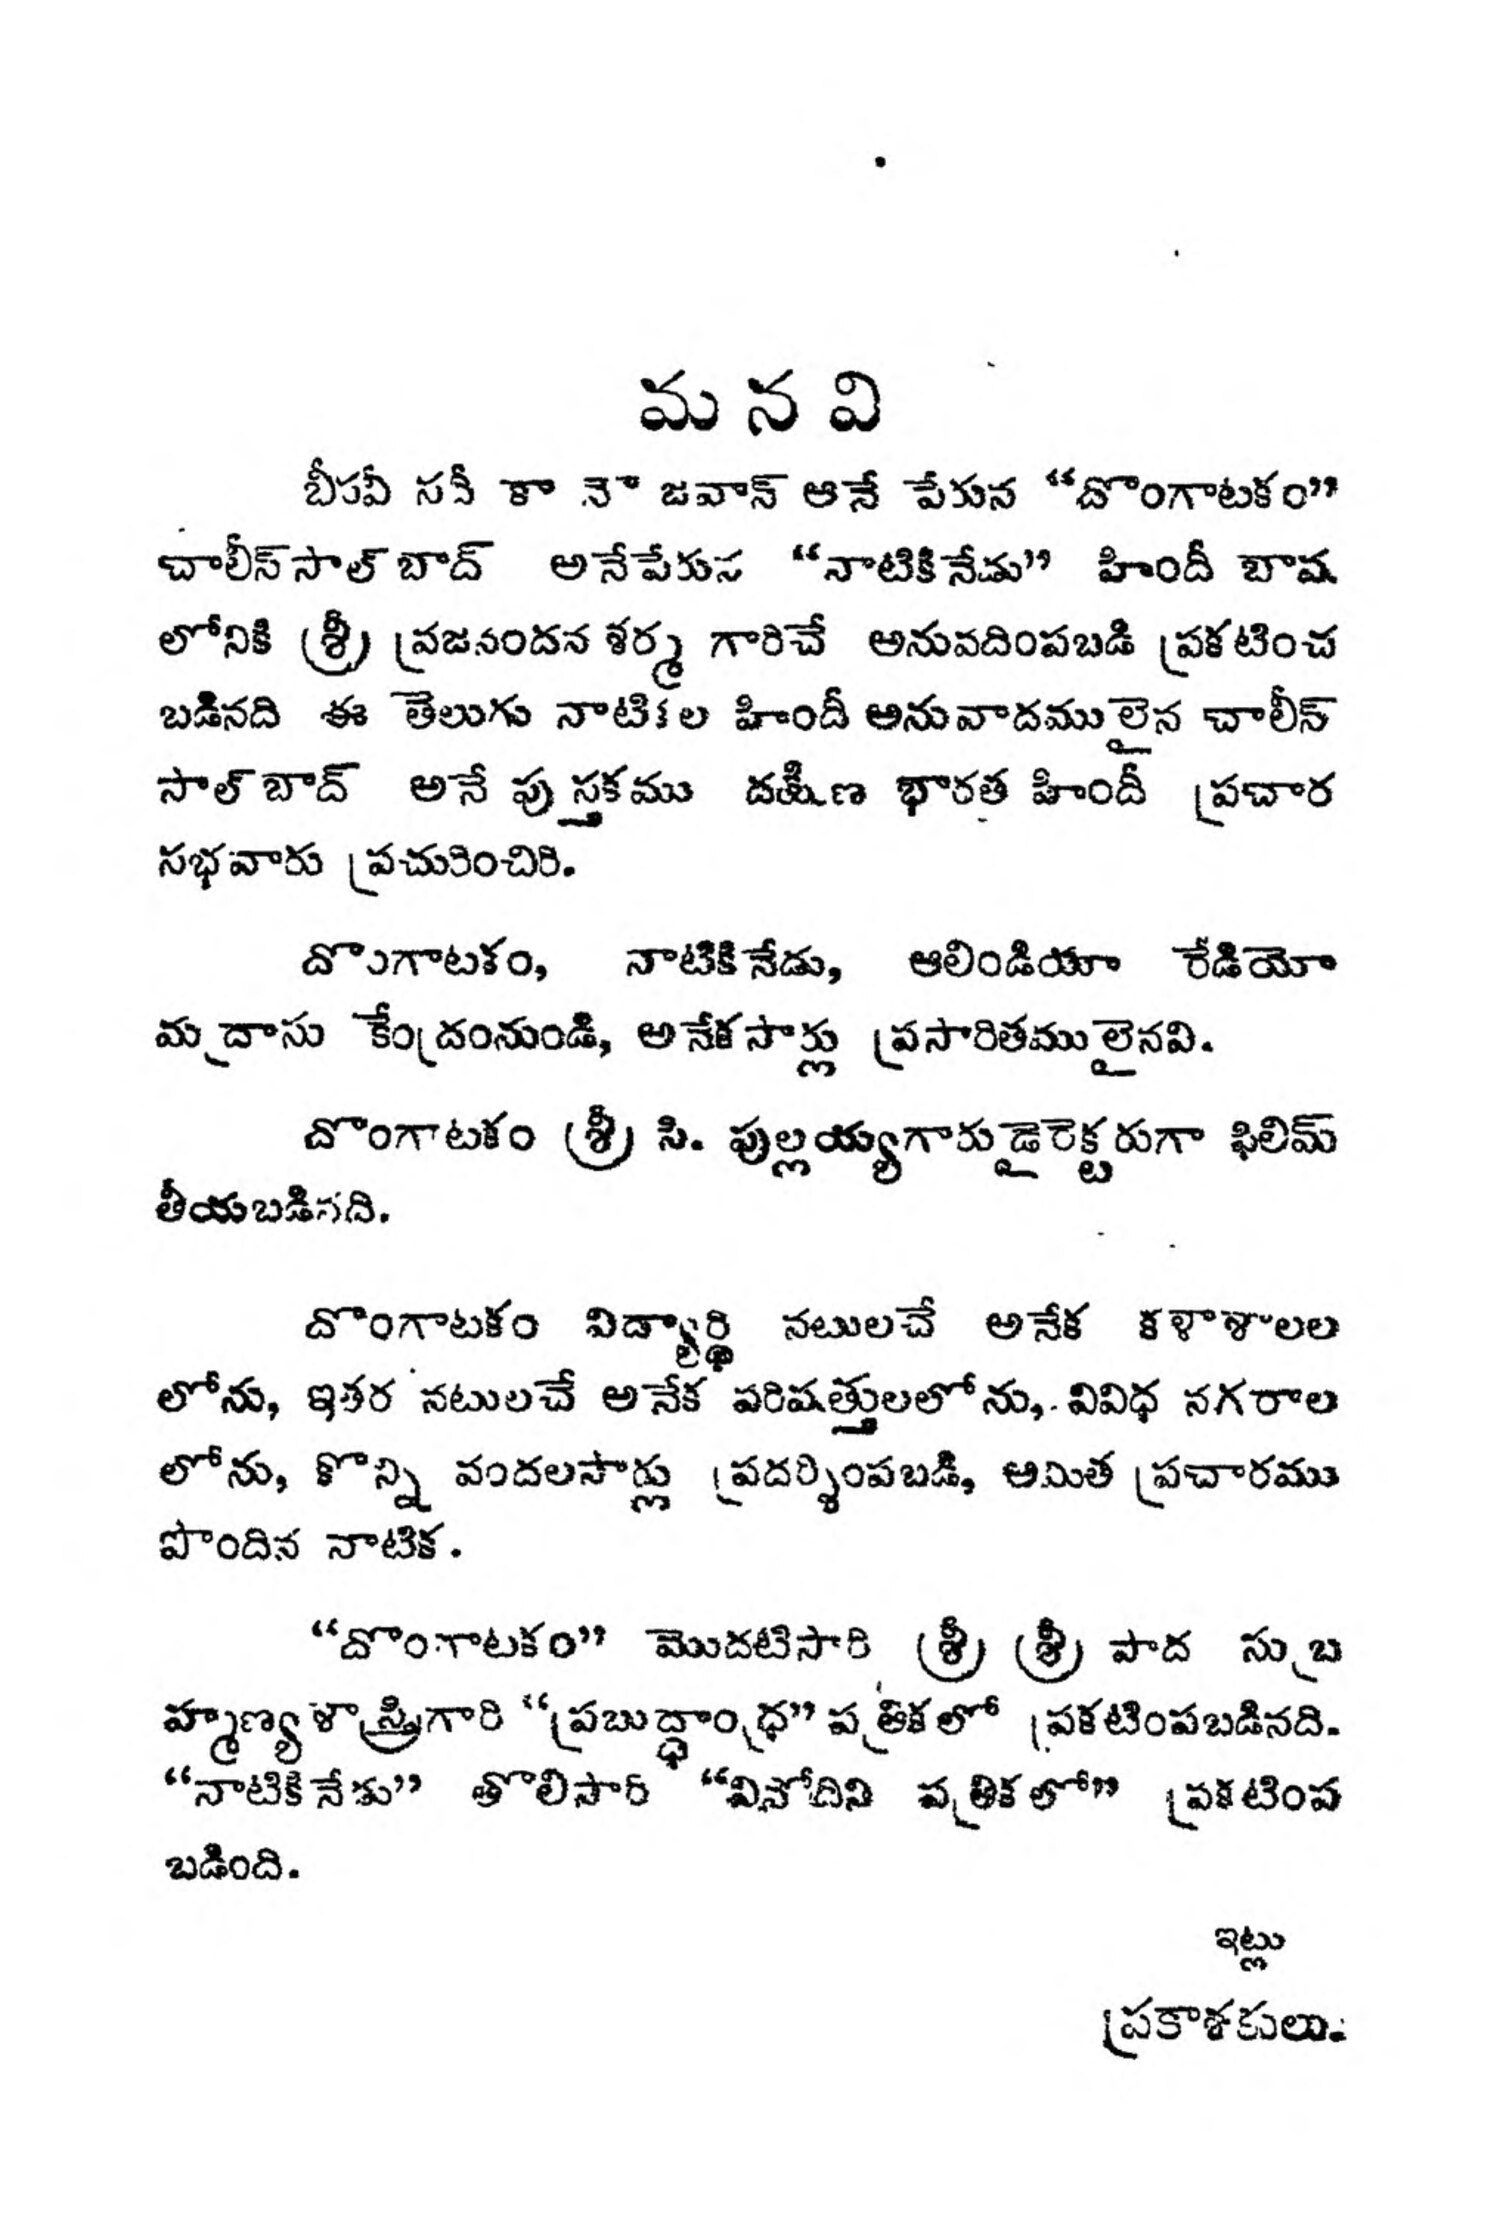మనవి

బీసవీ సదీ కా నౌ జవాన్ అనే పేరున "దొంగాటకం” చాలీస్‌సాల్‌బాద్ అనేపేరున “నాటికినేడు” హిందీ బాషలోనికి శ్రీ ప్రజనందనశర్మ గారిచే అనువదింపబడి ప్రకటించబడినది ఈ తెలుగు నాటికల హిందీ అనువాదములైన చాలీస్‌
సాల్‌బాద్ అనే పుస్తకము దక్షిణ భారత హిందీ ప్రచార సభవారు ప్రచురించిరి.

దొంగాటకం, నాటికినేడు, ఆలిండియా రేడియో మద్రాసు కేంద్రంనుండి, అనేకసార్లు ప్రసారితములైనవి.

దొంగాటకం శ్రీ సి. పుల్లయ్యగారు డైరెక్టరుగా ఫిలిమ్ తీయబడినది.

దొంగాటకం విద్యార్థి నటులచే అనేక కళాశాలలలోను, ఇతర నటులచే అనేక పరిషత్తులలోను, వివిధ నగరాలలోను, కొన్ని వందలసార్లు ప్రదర్శింపబడి, అమిత ప్రచారము పొందిన నాటిక.

“దొంగాటకం” మొదటిసారి శ్రీ శ్రీ పాద సుబ్రహ్మణ్యశాస్త్రిగారి “ప్రబుద్ధాంధ్ర” పత్రికలో ప్రకటింపబడినది. “నాటికి నేడు” తొలిసారి “వినోదిని పత్రికలో" ప్రకటింప బడింది.